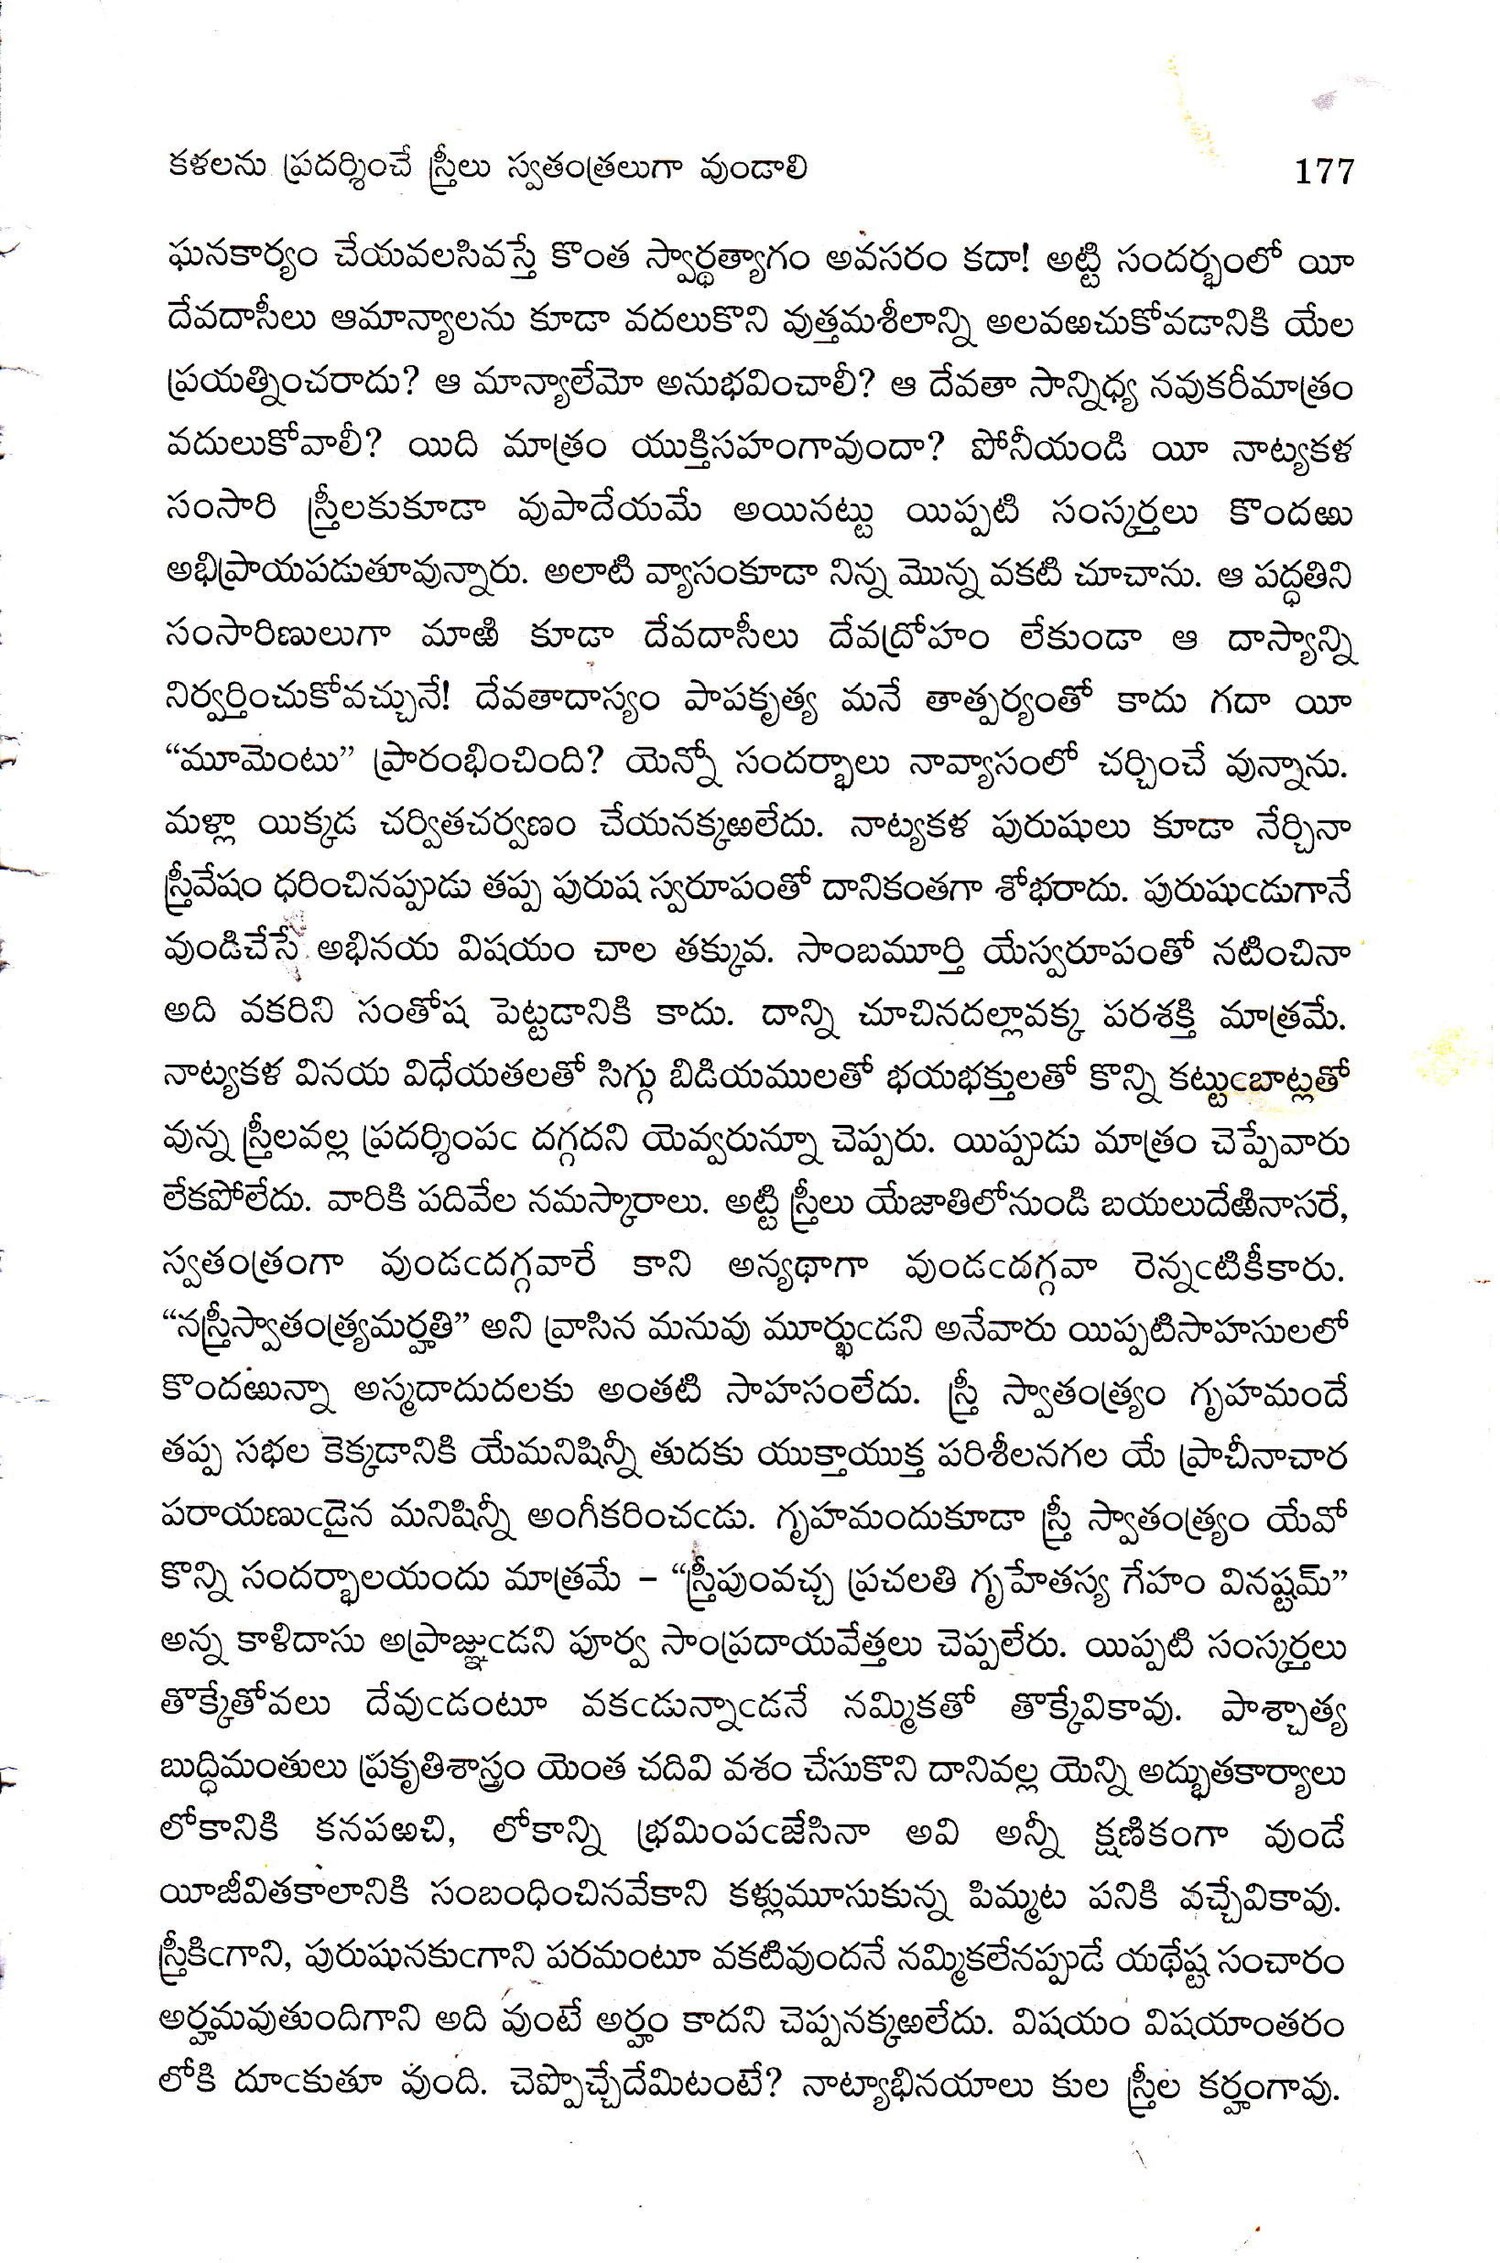ఘనకార్యం చేయవలసివస్తే కొంత స్వార్ధత్యాగం అవసరం కదా! అట్టి సందర్భంలో యీ దేవదాసీలు ఆమాన్యాలను కూడా వదలుకొని వుత్తమశీలాన్ని అలవఱచుకోవడానికి యేల ప్రయత్నించరాదు? ఆ మాన్యాలేమో అనుభవించాలీ? ఆ దేవతా సాన్నిధ్య నవుకరీమాత్రం వదులుకోవాలీ? యిది మాత్రం యుక్తిసహంగావుందా? పోనీయండి యీ నాట్యకళ సంసారి స్త్రీలకుకూడా వుపాదేయమే అయినట్టు యిప్పటి సంస్కర్తలు కొందఱు అభిప్రాయపడుతూవున్నారు. అలాటి వ్యాసంకూడా నిన్న మొన్న వకటి చూచాను. ఆ పద్ధతిని సంసారిణులుగా మాఱి కూడా దేవదాసీలు దేవ ద్రోహం లేకుండా ఆ దాస్యాన్ని నిర్వర్తించుకోవచ్చునే! దేవతాదాస్యం పాపకృత్య మనే తాత్పర్యంతో కాదు గదా యీ “మూమెంటు" ప్రారంభించింది? యెన్నో సందర్భాలు నావ్యాసంలో చర్చించే వున్నాను. మళ్లా యిక్కడ చర్వితచర్వణం చేయనక్కఱలేదు. నాట్యకళ పురుషులు కూడా నేర్చినా స్త్రీవేషం ధరించినప్పుడు తప్ప పురుష స్వరూపంతో దానికంతగా శోభరాదు. పురుషుఁడుగానే వుండిచేసే అభినయ విషయం చాల తక్కువ. సాంబమూర్తి యేస్వరూపంతో నటించినా అది వకరిని సంతోష పెట్టడానికి కాదు. దాన్ని చూచినదల్లావక్క పరశక్తి మాత్రమే. నాట్యకళ వినయ విధేయతలతో సిగ్గు బిడియములతో భయభక్తులతో కొన్ని కట్టుఁబాట్లతో వున్న స్త్రీలవల్ల ప్రదర్శింపఁ దగ్గదని యెవ్వరున్నూ చెప్పరు. యిప్పుడు మాత్రం చెప్పేవారు లేకపోలేదు. వారికి పదివేల నమస్కారాలు. అట్టి స్త్రీలు యేజాతిలోనుండి బయలుదేఱినాసరే, స్వతంత్రంగా వుండcదగ్గవారే కాని అన్యథాగా వుండఁదగ్గవా రెన్నఁటికీకారు. “నస్త్రీస్వాతంత్ర్యమర్హతి" అని వ్రాసిన మనువు మూర్ఖఁడని అనేవారు యిప్పటిసాహసులలో కొందఱున్నా అస్మదాదుదలకు అంతటి సాహసంలేదు. స్త్రీ స్వాతంత్ర్యం గృహమందే తప్ప సభల కెక్కడానికి యేమనిషిన్నీ తుదకు యుక్తాయుక్త పరిశీలనగల యే ప్రాచీనాచార పరాయణుఁడైన మనిషిన్నీ అంగీకరించఁడు. గృహమందుకూడా స్త్రీ స్వాతంత్ర్యం యేవో కొన్ని సందర్భాలయందు మాత్రమే - “స్త్రీపుంవచ్చ ప్రచలతి గృహేతస్య గేహం వినష్టమ్" అన్న కాళిదాసు అప్రాజ్ఞుఁడని పూర్వ సాంప్రదాయవేత్తలు చెప్పలేరు. యిప్పటి సంస్కర్తలు తొక్కేతోవలు దేవుఁడంటూ వకఁడున్నాఁడనే నమ్మికతో తొక్కేవికావు. పాశ్చాత్య బుద్ధిమంతులు ప్రకృతిశాస్త్రం యెంత చదివి వశం చేసుకొని దానివల్ల యెన్ని అద్భుతకార్యాలు లోకానికి కనపఱచి, లోకాన్ని భ్రమింపఁజేసినా అవి అన్నీ క్షణికంగా వుండే యీజీవితకాలానికి సంబంధించినవేకాని కళ్లుమూసుకున్న పిమ్మట పనికి వచ్చేవికావు. స్త్రీకిఁగాని, పురుషునకుఁగాని పరమంటూ వకటివుందనే నమ్మికలేనప్పుడే యథేష్ట సంచారం అర్హమవుతుందిగాని అది వుంటే అర్హం కాదని చెప్పనక్కఱలేదు. విషయం విషయాంతరంలోకి దూఁకుతూ వుంది. చెప్పొచ్చేదేమిటంటే? నాట్యాభినయాలు కుల స్త్రీల కర్ణంగావు.